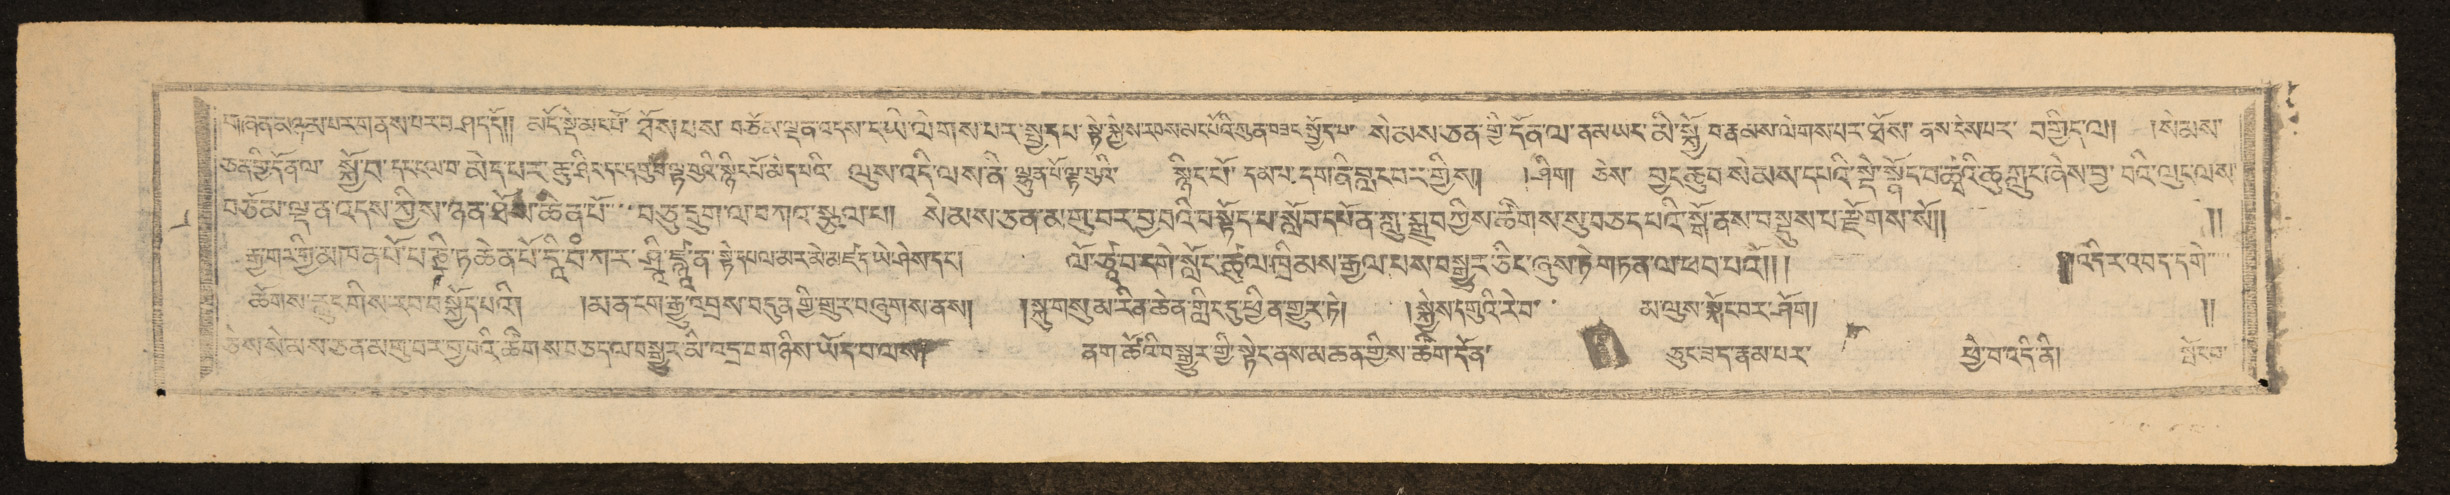གཞན་མཉམ་པར་གནས་པར་བཤད་དོ།། མདོ་སྡེ་མང་པོ་ཐོས་པས་བཅོམ་ལྡན་འདས་ང་ཡི་ལེགས་པར་སྤྱད་པ་སྟེ་སྐྱེས་རབས་མང་པོའི་ཀུན་བཟང་སྤྱོད་པ་སེམས་ཅན་གྱི་དོན་ལ་ནམ་ཡང་མི་སྐྱོ་བ་རྣམས་ལེགས་པར་ཐོས་ནས་ངེས་པར་བགྱིད་ལ། །སེམས་
ཅན་གྱི་དོན་ལ་སྐྱོ་བ་དང་ངལ་བ་མེད་པར་ཆུ་ཤིང་དང་དབུ་བ་ལྟ་བུའི་སྙིང་པོ་མེད་པའི་ལུས་འདི་ལས་ནི་ལྷུན་པོ་ལྟ་བུའི་སྙིང་པོ་དམ་པ་དག་ནི་བླང་བར་གྱིས། །ཤིག། ཅེས་བྱང་ཆུབ་སེམས་དཔའི་སྡེ་སྣོད་བ་ཚྭའི་ཆུ་ཀླུང་ཞེས་བྱ་བའི་ལུང་ལས་
བཅོམ་ལྡན་འདས་ཀྱིས་ཉན་ཐོས་ཆེན་པོ་བཅུ་དྲུག་ལ་བཀའ་སྩལ་པ། སེམས་ཅན་མགུ་བར་བྱ་བའི་བསྟོད་པ་སློབ་དཔོན་ཀླུ་སྒྲུབ་ཀྱིས་ཚིགས་སུ་བཅད་པའི་སྒོ་ནས་བསྡུས་པ་རྫོགས་སོ།། །།
རྒྱ་གར་གྱི་མཁན་པོ་པཎྜི་ཏ་ཆེན་པོ་དཱི་བཾ་ཀ་ར་ཤྲཱི་ཛྙཱ་ན་སྟེ་དཔལ་མར་མེ་མཛད་ཡེ་ཤེས་དང་། ལོ་ཙཱ་བ་དགེ་སློང་ཚུལ་ཁྲིམས་རྒྱལ་པས་བསྒྱུར་ཅིང་ཞུས་ཏེ་གཏན་ལ་ཕབ་པའོ།། །།འདིར་འབད་དགེ་
ཆོགས་རླུང་གིས་རབ་བསྐྱོད་པའི། །མན་ངག་རྒྱུ་འབྲས་བདུན་གྱི་གྲུར་བཞུགས་ནས། །སྐུ་གསུམ་རིན་ཆེན་གླིང་དུ་ཕྱིན་གྱུར་ཏེ། །སྐྱེས་དགུའི་རེ་བ་མ་ལུས་སྐོང་བར་ཤོག། །།
ཅེས་སེམས་ཅན་མགུ་བར་བྱ་བའི་ཚིགས་བཅད་ལ་བསྒྱུར་མི་འདྲ་བ་གཉིས་ཡོད་པ་ལས། ནག་ཚོའི་བསྒྱུར་གྱི་སྟེང་ནས་མཆན་གྱིས་ཚིག་དོན། ཅུང་ཟད་རྣམ་པར་ཕྱེ་བ་འདི་ནི། སྤོང་བ་